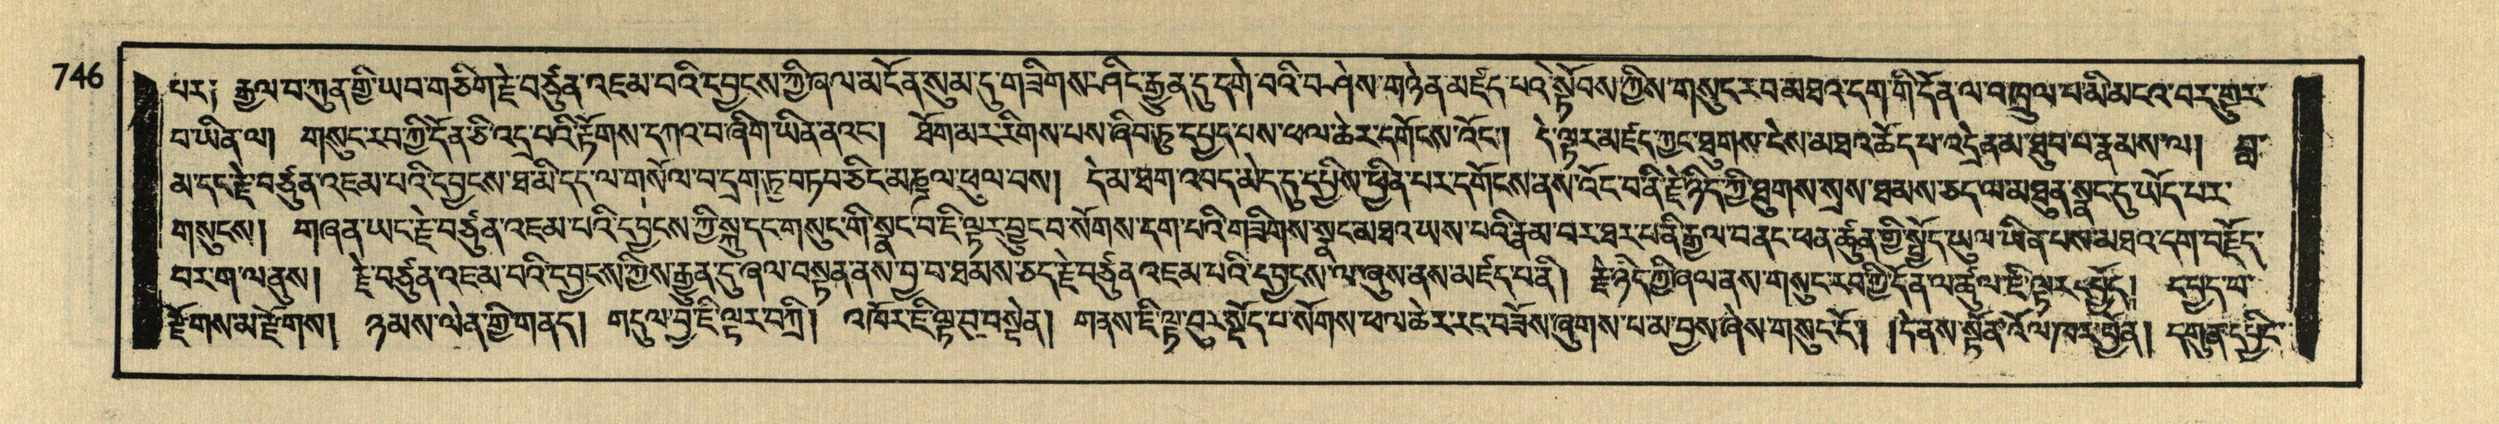པར༑ རྒྱལ་བ་ཀུན་གྱི་ཡབ་གཅིག་རྗེ་བཙུན་འཇམ་པའི་དབྱངས་ཀྱི་ཞལ་མངོན་སུམ་དུ་གཟིགས་ཤིང་རྒྱུན་དུ་དགེ་བའི་བཤེས་གཉེན་མཛད་པའི་སྟོབས་ཀྱིས་གསུང་རབ་མཐའ་དག་གི་དོན་ལ་འཁྲུལ་པ་མི་མངའ་བར་གྱུར་
བ་ཡིན་ལ། གསུང་རབ་ཀྱི་དོན་ཅི་འདྲ་བའི་རྟོགས་དཀའ་བ་ཞིག་ཡིན་ནའང་། ཐོག་མར་རིགས་པས་ཞིབ་ཏུ་དཔྱད་པས་ཕལ་ཆེར་དགོངས་འོང་། དེ་ལྟར་མཛད་ཀྱང་ཐུགས་ངེས་མཐའ་ཆོད་པ་འདྲེན་མ་ཐུབ་པ་རྣམས་ལ། བླ་
མ་དང་རྗེ་བཙུན་འཇམ་པའི་དབྱངས་ཐ་མི་དད་ལ་གསོལ་བ་དྲག་ཏུ་བཏབ་ཅིང་མཎྜལ་ཕུལ་བས། དེ་མ་ཐག་འབད་མེད་དུ་དཔྱིས་ཕྱིན་པར་དགོངས་ནས་འོང་བ་ནི་རྗེ་ཉིད་ཀྱི་ཐུགས་སྲས་ཐམས་ཅད་ལ་མཐུན་སྣང་དུ་ཡོད་པར་
གསུངས། གཞན་ཡང་རྗེ་བཙུན་འཇམ་པའི་དབྱངས་ཀྱི་སྐུ་དང་གསུང་གི་སྣང་བ་ཇི་ལྟར་བྱུང་པ་སོགས་དག་པའི་གཟིགས་སྣང་མཐའ་ཡས་པའི་རྣམ་བར་ཐར་པ་ནི་རྒྱལ་བ་ནང་ཕན་ཚུན་གྱི་སྤྱོད་ཡུལ་ཡིན་པས་མཐའ་དག་བརྗོད་
བར་ག་ལ་ནུས། རྗེ་བཙུན་འཇམ་བའི་དབྱངས་ཀྱིས་རྒྱུན་དུ་ཞལ་བསྟན་ནས་བྱ་བ་ཐམས་ཅད་རྗེ་བཙུན་འཇམ་པའི་དབྱངས་ལ་ཞུས་ནས་མཛད་པ་ནི། རྗེ་ཉིད་ཀྱི་ཞལ་ནས་གསུང་རབ་ཀྱི་དོན་ལ་ཚུལ་ཇི་ལྟར་དཔྱོད། དཔྱད་པ་
རྫོགས་མ་རྫོགས། ཉམས་ལེན་གྱི་གནད། གདུལ་བྱ་ཇི་ལྟར་བཀྲི། འཁོར་ཇི་ལྟ་བུ་བསྟེན། གནས་ཇི་ལྟ་བུར་སྡོད་པ་སོགས་ཕལ་ཆེར་རང་བཟོས་ཞུགས་པ་མ་བྱས་ཞེས་གསུང་ངོ། །དེ་ནས་སྟོན་འོལ་ཁར་བྱོན། དགུན་དཔྱིད་